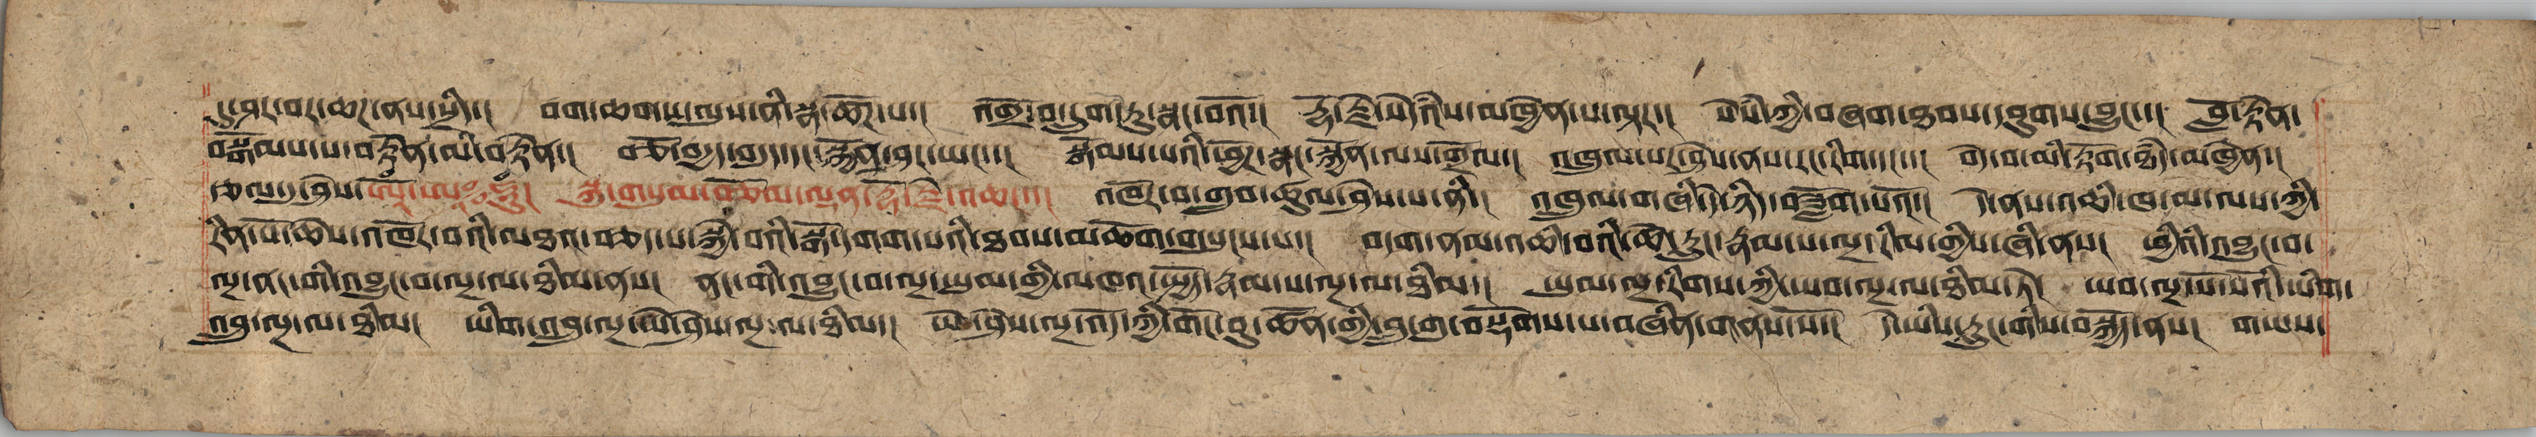དུ་ཤར་བར་ཆཌ་ནས་སྲིད་། བག་ཆགས་ལུས་ནི་སྣ་ཚོཌ་པ་། འགྲོ་བ་དྲུག་ཏུ་སྣང་བའོ་། རྡོ་རྗེ་སེདཾའས་མཁྱེན་པ་ལྟར་། སེསཾ་ཀྱི་བཞག་ཐབས་དབུགས་བྱུང་་། བློ་རྟེན་
བསྒོམས་པ་བརྟེན་མི་བརྟེན་། བཅོ་བདྱད་བདུད་དང་སྐྱོན་ཤར་ཡང་་། སྒོམས་པའི་ཕྱོཌ་སྣང་སྐྱོན་ལས་གྲོལ་། འཁྲུལ་པར་ཤེས་ནས་རང་རིག་དང་་། བདེ་བ་མི་རྟོག་ཐཾད་མཁྱེན་།
རྩལ་དུ་ཤེས་ཨཱོཾ་ཨཱཿཧཱུཾ། སྐུ་གསུམ་བཅོམ་ལྡན་རྡོ་རྗེ་འཆང་་། འཁོར་བ་གྲུབ་ཚུལ་ཤེས་པ་ནི་། འཁྲུལ་གཞི་དེ་ཉིད་བཟློག་པའོ་། དེ་ནས་འཆི་ཁ་མ་ལས་ཀྱི་
རིན་པོ་ཆེས་འཁོར་བའི་མཐའ་བཅད་པ་སྐྱེ་བའི་སྒོ་དགག་པའི་ཐབས་མཆོག་གསུངས་པ་། བདག་ནམ་འཆི་བའི་ཚེ་རླུང་རྣམ་པ་ལྔ་རིམ་གྱིས་ཞི་ནས། ཕྱིའི་འབྱུང་བ་
ལྔ་ནང་གི་འབྱུང་བ་ལྔ་ལ་ཐིམ་ནས། ནང་གི་འབྱུང་བ་ལྔ་ཡུམ་གྱི་མཁའ་སྤྱོད་རྣམ་པ་ལྔ་ལ་ཐིམ་། ཡུམ་ལྔ་རིགས་ཀྱི་ཡབ་ལྔ་ལ་ཐིམ་ཏེ། ཡབ་ལྔ་སོ་སོའི་ཡིག་
འབྲུ་ལྔ་ལ་ཐིམ། ཡིག་འབྲུ་ལྔ་ཡེ་ཤེས་ལྔ་ལ་ཐིམ་། ཡེ་ཤེས་ལྔ་འོད་ཀྱི་གོང་བུ་ཚོན་གྱི་བྲུ་གུ་བསྡོགས་པ་བཞིན་གནས་སོ་། དེ་ཡིས་རླུང་གིས་བསྐྱོད་ནས། གཡས་